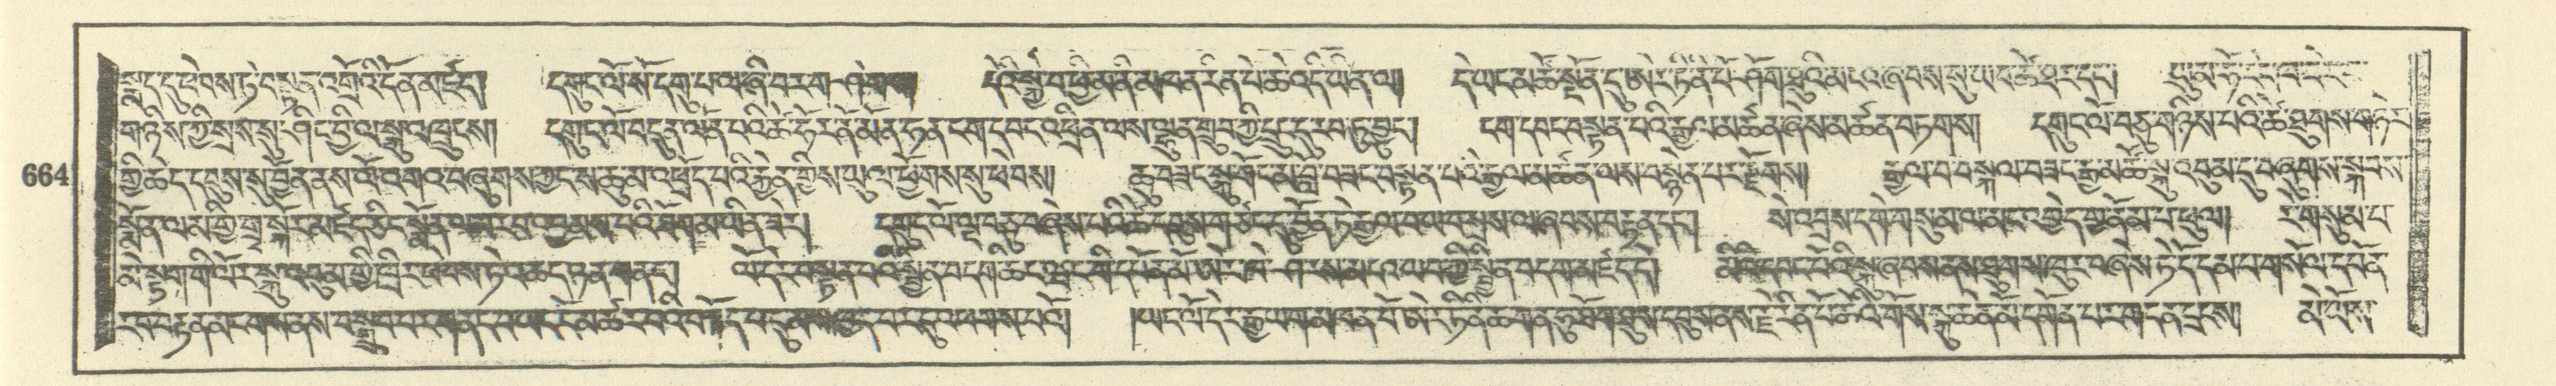སྨད་དུ་ཕེབས་ཏེ་བསྟན་འགྲོའི་དོན་མཛད། དགུང་ལོ་སོ་དགུ་པ་ལ་ཞི་བར་གཤེགས། དེའི་སྐྱེ་བ་ཕྱི་མ་ནི་མཁན་རིན་པོ་ཆེ་འདི་ཡིན་ལ། དེ་ཡང་མཚོ་སྔོན་དུ་ཨེར་ཏི་ནི་པོ་ཤོག་ཐུའི་མངའ་ཞབས་སུ་ཡབ་ཚེ་ཐར་དང་། ཡུམ་ཧོ་རེང་ཁ་ཟེར་བ་
གཉིས་ཀྱི་སྲས་སུ་ཤིང་བྱི་ལ་སྐུ་འཁྲུངས། དགུང་ལོ་བདུན་ལོན་པའི་ཚེ་ཧོར་ནོ་མོན་ཧན་ངག་དབང་འཕྲིན་ལས་ལྷུན་གྲུབ་ཀྱི་དྲུང་དུ་རབ་ཏུ་བྱུང་། ངག་དབང་བསྟན་པའི་རྒྱལ་མཚན་ཞེས་མཚན་བཏགས། དགུང་ལོ་བཅུ་གཉིས་པའི་ཚེ་ཐུགས་གཉེར་
གྱི་ཆེད་དབུས་སུ་བྱོན་ནས་ལོ་འགའ་བཞུགས་ཀྱང་ས་ཆུ་མ་འཕྲོད་པའི་རྐྱེན་གྱིས་ཡུལ་ཕྱོགས་སུ་ཕེབས། ཆུ་བཟང་སྐུ་གོང་མ་བློ་བཟང་བསྟན་པའི་རྒྱལ་མཚན་ལས་བསྙེན་པར་རྫོགས། རྒྱལ་བ་བསྐལ་བཟང་རྒྱ་མཚོ་སྐུ་འབུམ་དུ་བཞུགས་སྐབས་
སྨོན་ལམ་གྱི་གྲྭ་སྐོར་མཛད་ཅིང་སྨོན་ལམ་རབ་འབྱམས་པའི་ཐོག་མ་ཡིན་ཟེར། དགུང་ལོ་ལྔ་བཅུ་བཞེས་པའི་ཚེ་དབུས་གཙང་དུ་བྱོན་ཏེ་རྒྱལ་བ་ཡབ་སྲས་ལ་ཞབས་བརྟན་དང་། སེ་འབྲས་དགེ་གསུམ་ལ་མང་འགྱེད་གྱ་ནོན་པ་ཕུལ། རེ་གསུམ་པ་
མེ་སྟག་གི་ལོར་སྐུ་འབུམ་གྱི་ཁྲིར་ཕེབས་ཏེ་འཆད་ཉན་གནང་། ལོ་དེར་བསྟན་པའི་སྦྱིན་བདག་ཆིང་ཝང་གི་དཔོན་མོ་ཨེར་ཁེ་ཤ་རས་མདའ་ཡབ་ཀྱི་སྦྱིན་བདག་མཛད་དེ། མིའི་དབང་པོའི་སྐུ་ཞབས་ནས་ཐུགས་ཁུར་བཞེས་ཏེ་དོ་དམ་པ་གསོལ་དཔོན་
རབ་བརྟན་མངགས་ནས་བསྒྲུབ་པར་གནང་བ་ཡང་ངོ་མཚར་བའི་བཀོད་པ་དུ་མས་ཁྱད་པར་དུ་འཕགས་པའོ། །ཡང་ལོ་དེར་རྒྱ་ཡག་མཁན་པོ་ཨེར་ཏི་ནི་ཆ་གན་ཧུ་ཐོག་ཐུས་དབུས་ནས་རྗེ་རིན་པོ་ཆེའི་གོས་སྐུ་ཆེན་མོ་དགོན་པར་གདན་དྲངས། མེ་ཡོས་